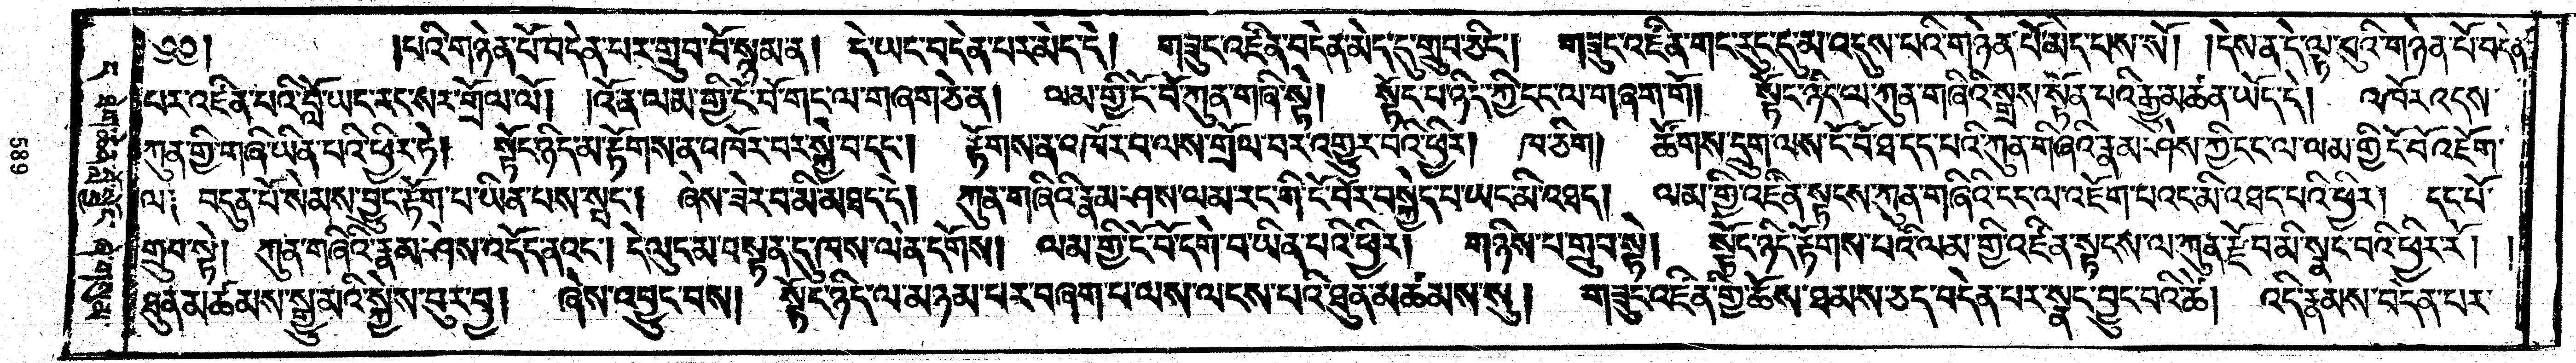༄༅། །པའི་གཉེན་པོ་བདེན་པར་གྲུབ་པོ་སྙམ་ན། དེ་ཡང་བདེན་པར་མེད་དེ། གཟུང་འཛིན་བདེན་མེད་དུ་གྲུབ་ཅིང་། གཟུང་འཛིན་གང་རུང་དུ་མ་འདུས་པའི་གཉེན་པོ་མེད་པས་སོ། །དེས་ན་དེ་ལྟ་བུའི་གཉེན་པོ་བདེན་
པར་འཛིན་པའི་བློ་ཡང་རང་སར་གྲོལ་ལོ། །འོ་ན་ལམ་གྱི་ངོ་བོ་གང་ལ་གཞག་ཅེ་ན། ལམ་གྱི་ངོ་བོ་ཀུན་གཞི་སྟེ། སྟོང་པ་ཉིད་ཀྱི་ངང་ལ་གཞག་གོ། སྟོང་ཉིད་ལ་ཀུན་གཞིའི་སྒྲས་སྟོན་པའི་རྒྱུ་མཚན་ཡོད་དེ། འཁོར་འདས་
ཀུན་གྱི་གཞི་ཡིན་པའི་ཕྱིར་ཏེ། སྟོང་ཉིད་མ་རྟོགས་ན་འཁོར་བར་སྐྱེ་བ་དང་། རྟོགས་ན་འཁོར་བ་ལས་གྲོལ་བར་འགྱུར་བའི་ཕྱིར། ཁ་ཅིག། ཚོགས་དྲུག་ལས་ངོ་བོ་ཐ་དད་པའི་ཀུན་གཞིའི་རྣམ་ཤེས་ཀྱི་ངང་ལ་ལམ་གྱི་ངོ་བོ་འཇོག་
ལ༑ བདུན་པོ་སེམས་བྱུང་རྟོག་པ་ཡིན་པས་སྤང་། ཞེས་ཟེར་བ་མི་མཐད་དེ། ཀུན་གཞིའི་རྣམ་ཤས་ལམ་རང་གི་ངོ་བོར་བསྐྱེད་པ་ཡང་མི་འཐད། ལམ་གྱི་འཛིན་སྟངས་ཀུན་གཞིའི་ངང་ལ་འཇོག་པའང་མི་འཐད་པའི་ཕྱིར། དང་པོ་
གྲུབ་སྟེ། ཀུན་གཞིའི་རྣམ་ཤེས་འདོད་ནའང་། དེ་ལུང་མ་བསྟན་དུ་ཁས་ལེན་དགོས། ལམ་གྱི་ངོ་བོ་དགེ་བ་ཡིན་པའི་ཕྱིར། གཉིས་པ་གྲུབ་སྟེ། སྟོང་ཉིད་རྟོགས་པའི་ལམ་གྱི་འཛིན་སྟངས་ལ་ཀུན་རྫོབ་མི་སྣང་བའི་ཕྱིར་རོ། །
ཐུན་མཚམས་སྒྱུ་མའི་སྐྱེས་བུར་བྱ། ཞེས་འབྱུང་བས། སྟོང་ཉིད་ལ་མཉམ་པར་བཞག་པ་ལས་ལངས་པའི་ཐུན་མཚམས་སུ། གཟུང་འཛིན་གྱི་ཆོས་ཐམས་ཅད་བདེན་པར་སྣང་བྱུང་བའི་ཚེ། འདི་རྣམས་བདེན་པར་